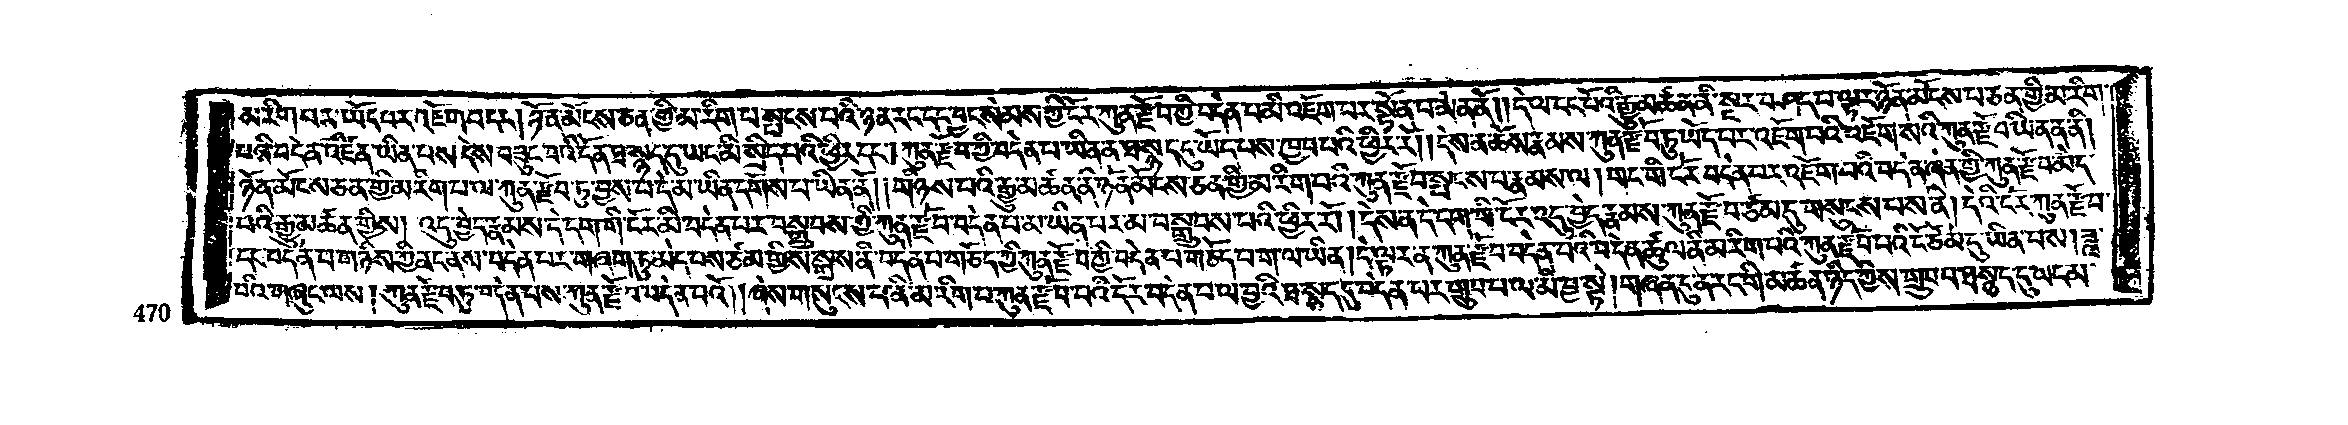མ་རིག་པས་ཡོད་པར་འཇོག་པ་དང་། ཉོན་མོངས་ཅན་གྱི་མ་རིག་པ་སྤངས་པའི་ཉན་རང་དང་བྱང་སེམས་ཀྱི་ངོར་ཀུན་རྫོབ་ཀྱི་བདེན་པ་མི་འཇོག་པར་སྟོན་པ་མིན་ནོ། །དེ་ལ་དང་པོའི་རྒྱུ་མཚན་ནི་སྔར་བཤད་པ་ལྟར་ཉོན་མོངས་པ་ཅན་གྱི་མ་རིག་
པ་ནི་བདེན་འཛིན་ཡིན་པས་ངེས་བཟུང་བའི་དོན་ཐ་སྙད་དུ་ཡང་མི་སྲིད་པའི་ཕྱིར་དང་། ཀུན་རྫོབ་ཀྱི་བདེན་པ་ཡིན་ན་ཐ་སྙད་དུ་ཡོད་པས་ཁྱབ་པའི་ཕྱིར་རོ། །དེས་ན་ཆོས་རྣམས་ཀུན་རྫོབ་ཏུ་ཡོད་པར་འཇག་པའི་འཇོག་སའི་ཀུན་རྫོབ་ཡིན་ན་ནི།
ཉོན་མོངས་ཅན་གྱི་མ་རིག་པ་ལ་ཀུན་རྫོབ་ཏུ་བྱས་པ་དེ་མ་ཡིན་དགོས་པ་ཡིན་ནོ། །གཉིས་པའི་རྒྱུ་མཚན་ནི་ཉོན་མོངས་ཅན་གྱི་མ་རིག་པའི་ཀུན་རྫོབ་སྤངས་པ་རྣམས་ལ། གང་གི་ངོར་བདེན་པར་འཇོག་པའི་བདེན་ཞེན་གྱི་ཀུན་རྫོབ་མེད་
པའི་རྒྱུ་མཚན་གྱིས། འདུ་བྱེད་རྣམས་དེ་དག་གི་ངོར་མི་བདེན་པར་བསྒྲུབས་ཀྱི་ཀུན་རྫོབ་བདེན་པ་མ་ཡིན་པར་མ་བསྒྲུབས་པའི་ཕྱིར་རོ། །དེས་ན་དེ་དག་གི་ངེས་འདུ་བྱེད་རྣམས་ཀུན་རྫོབ་ཙམ་དུ་གསུངས་པས་ནི། དེའི་ངོར་ཀུན་རྫོབ་
དང་བདེན་པ་གཉིས་ཀྱི་ནང་ནས་བདེན་པར་གཞག་ཏུ་མེད་པས་ཙམ་གྱིས་སྒྲས་ནི་བདེན་པ་གཅོད་ཀྱི་ཀུན་རྫོབ་ཀྱི་བདེན་པ་གཅོད་པ་ག་ལ་ཡིན། དེ་ལྟར་ན་ཀུན་རྫོབ་བདེན་པའི་བདེན་ཚུལ་ནི་མ་རིག་པའི་ཀུན་རྫོབ་པའི་ངོ་ཙམ་དུ་ཡིན་པས། ཟླ་
བའི་གཞུང་ལས། ཀུན་རྫོབ་ཏུ་བདེན་པས་ཀུན་རྫོབ་བདེན་པའོ། །ཞེས་གསུངས་པ་ནི་མ་རིག་པ་ཀུན་རྫོབ་པའི་དོར་བདེན་པ་ལ་བྱའི་ཐ་སྙད་དུ་བདེན་པར་གྲུབ་པ་ལ་མི་བྱ་སྟེ། གཞན་དུ་ན་རང་གི་མཚན་ཉིད་ཀྱིས་གྲུབ་པ་ཐ་སྙད་དུ་ཡང་མི་